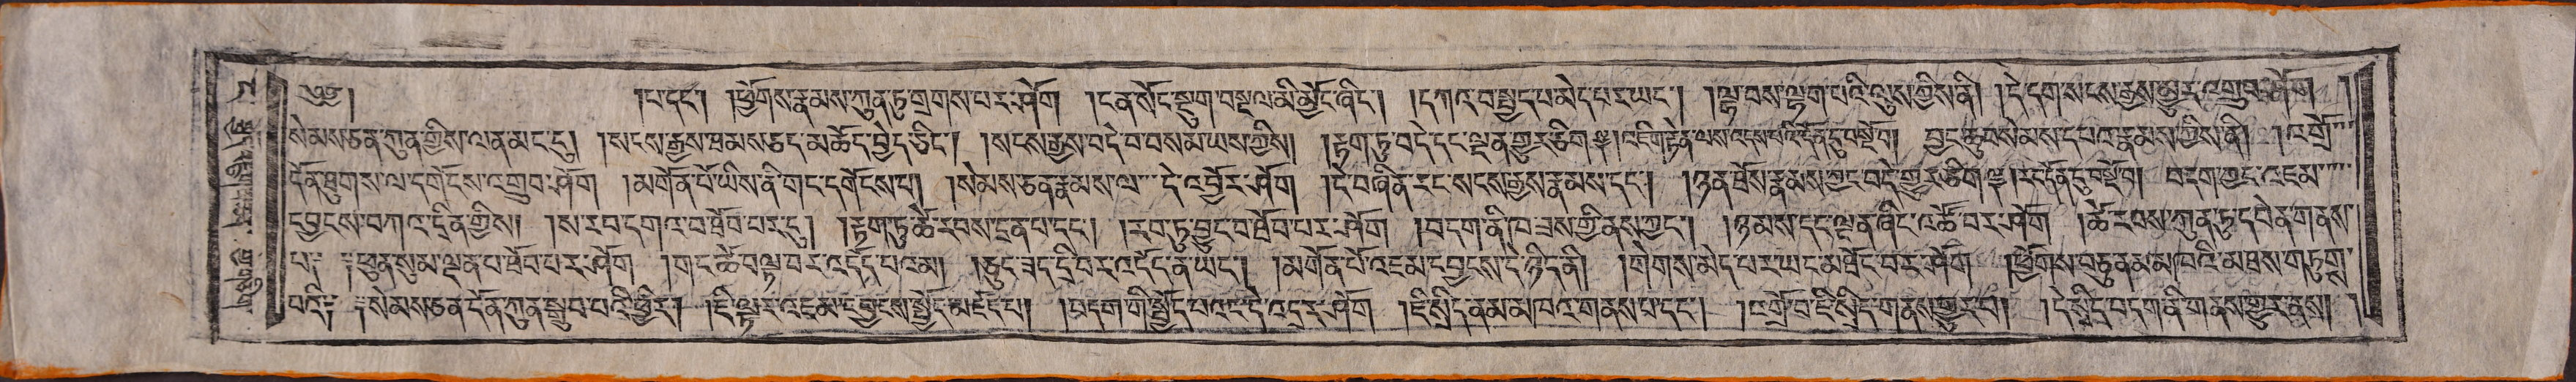༄༅། །པ་དང་། །ཕྱོགས་རྣམས་ཀུན་ཏུ་གྲགས་པར་ཤོག །ངན་སོང་སྡུག་བསྔལ་མི་མྱོང་ཞིང་། །དཀའ་བ་སྤྱད་པ་མེད་པར་ཡང་། །ལྷ་བས་ལྷག་པའི་ལུས་ཀྱིས་ནི། །དེ་དག་སངས་རྒྱས་མྱུར་འགྲུབ་ཤོག །
སེམས་ཅན་ཀུན་གྱིས་ལན་མང་དུ། །སངས་རྒྱས་ཐམས་ཅད་མཆོད་བྱེད་ཅིང་། །སངས་རྒྱས་བདེ་བ་བསམ་ཡས་ཀྱིས། །རྟག་ཏུ་བདེ་དང་ལྡན་གྱུར་ཅིག ༈ །འཇིག་རྟེན་ལས་འདས་པའི་དོན་དུ་བསྔོ་བ།  བྱང་ཆུབ་སེམས་དཔའ་རྣམས་ཀྱིས་ནི། །འགྲོ་
དོན་ཐུགས་ལ་དགོངས་འགྲུབ་ཤོག །མགོན་པོ་ཡིས་ནི་གང་དགོངས་པ། །སེམས་ཅན་རྣམས་ལ་དེ་འབྱོར་ཤོག །དེ་བཞིན་རང་སངས་རྒྱས་རྣམས་དང་། །ཉན་ཐོས་རྣམས་ཀྱང་བདེ་གྱུར་ཅིག ༈ །རང་དོན་དུ་བསྔོ་བ།  བདག་ཀྱང་འཇམ་
དབྱངས་བཀའ་དྲིན་གྱིས། །ས་རབ་དགའ་བ་ཐོབ་པར་དུ། །རྟག་ཏུ་ཚེ་རབས་དྲན་པ་དང་། །རབ་ཏུ་བྱུང་བ་ཐོབ་པར་ཤོག །བདག་ནི་ཁ་ཟས་གྱི་ནས་ཀྱང་། །ཉམས་དང་ལྡན་ཞིང་འཚོ་བར་ཤོག །ཚེ་རབས་ཀུན་ཏུ་དབེན་གནས་
པ༑ ༑ཕུན་སུམ་ལྡན་པ་ཐོབ་པར་ཤོག །གང་ཚེ་བལྟ་བར་འདོད་པའམ། །ཅུང་ཟད་དྲི་བར་འདོད་ན་ཡང་། །མགོན་པོ་འཇམ་དབྱངས་དེ་ཉིད་ནི། །གེགས་མེད་པར་ཡང་མཐོང་བར་ཤོག །ཕྱོགས་བཅུ་ནམ་མཁའི་མཐས་གཏུགས་
པའི༑ ༑སེམས་ཅན་དོན་ཀུན་སྒྲུབ་པའི་ཕྱིར། །ཇི་ལྟར་འཇམ་དབྱངས་སྤྱོད་མཛད་པ། །བདག་གི་སྤྱོད་པའང་དེ་འདྲར་ཤོག །ཇི་སྲིད་ནམ་མཁའ་གནས་པ་དང་། །འགྲོ་བ་ཇི་སྲིད་གནས་གྱུར་པ། །དེ་སྲིད་བདག་ནི་གནས་གྱུར་ནས། །